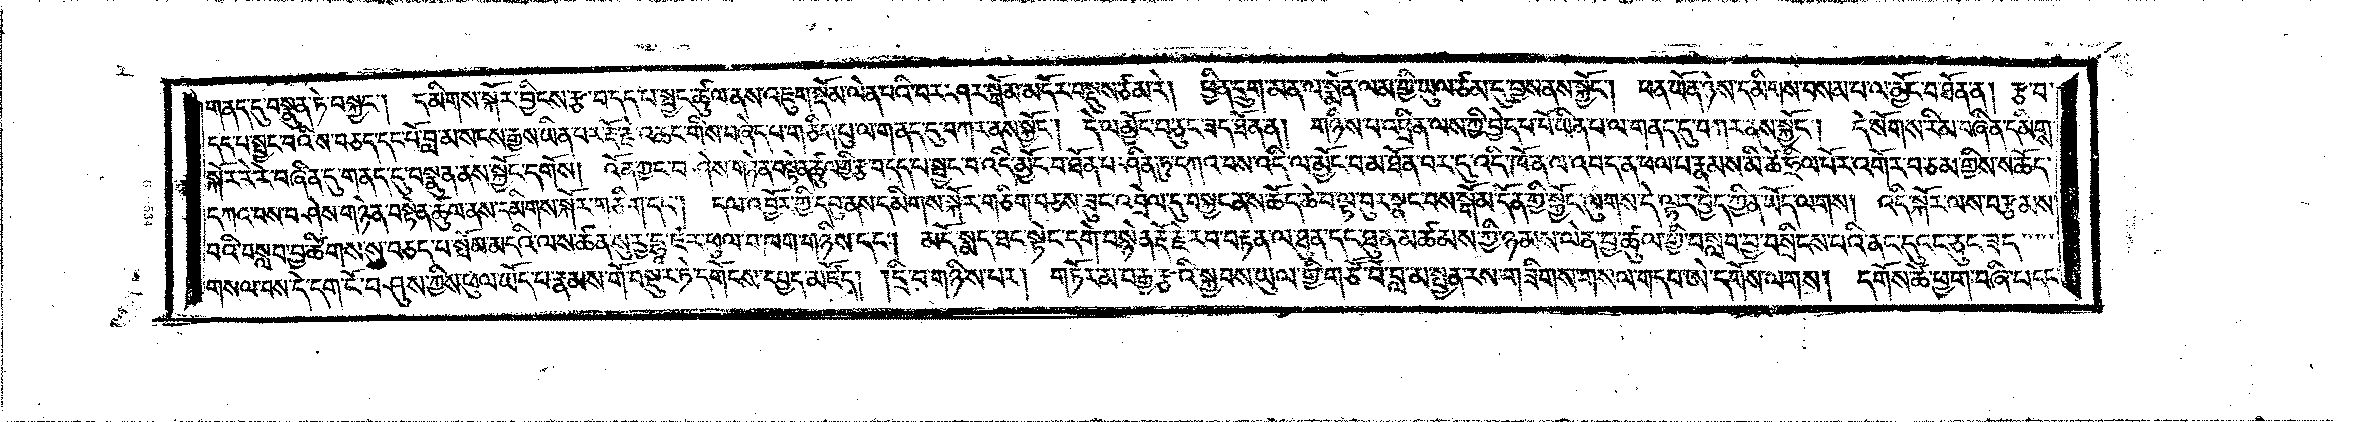གནད་དུ་བསྣུན་ཏེ་བསྐྱང་། དམིགས་སྐོར་བྱིངས་རྩ་བ་དང་པ་སྦྱང་ཚུལ་ནས་འཇུག་སྡོམ་ལེན་པའི་བར་ཤར་སྒོམ་མདོར་བསྡུས་ཙམ་རེ། ཕྱིན་དྲུག་མན་ལ་སྨོན་ལམ་གྱི་ཡུལ་ཙམ་དུ་བྱས་ནས་སྐྱོང་། ཕན་ཡོན་ཉེས་དམིགས་བསམ་པ་ལ་མྱོང་བ་ཐོན་ན། རྩ་བ་
དད་པ་སྤྱང་བའི་ས་བཅད་དང་པོ་བླ་མ་སངས་རྒྱས་ཡིན་པར་རྡོ་རྗེ་འཆང་གིས་བཞེད་པ་གཅིག་པུ་ལ་གནད་དུ་བཀར་ནས་སྐྱོང་། དེ་ལ་མྱོང་བ་ཅུང་ཟད་ཐོན་ན། གཉིས་པ་འཕྲིན་ལས་ཀྱི་བྱེད་པ་པོ་ཡིན་པ་ལ་གནད་དུ་བཀར་ནས་སྐྱོང་། དེ་སོགས་རིམ་བཞིན་དམིགས་
སྐོར་རེ་རེ་བཞིན་དུ་གནད་དུ་བསྣུན་ནས་སྐྱོང་དགོས། འོན་ཀྱང་བཤེས་གཉེན་བསྟེན་ཚུལ་གྱི་རྩ་བ་དད་པ་སྦྱང་བ་འདི་མྱོང་བ་ཐོན་པ་ཤིན་ཏུ་དཀའ་བས་འདི་ལ་མྱོང་བ་མ་ཐོན་བར་དུ་འདི་ཁོ་ན་ལ་འབད་ན་ཕལ་པ་རྣམས་མི་ཚེ་ཧྲིལ་པོར་འགོར་བ་ཙམ་གྱིས་ས་ཆོད་
དཀའ་བས་བཤེས་གཉེན་བསྟེན་ཚུལ་ནས་དམིགས་སྐོར་གཅིག་དང་། དལ་འབྱོར་གྱི་དབུ་ནས་དམིགས་སྐོར་གཅིག་བཅས་ཟུང་འབྲེལ་དུ་བསྐྱང་ནས་ཆོད་ཆེ་བ་ལྟ་བུར་སྣང་བས་སྒོམ་དོན་གྱི་སྐྱོང་ལུགས་དེ་ལྟར་བྱེད་ཀྱིན་ཡོད་ལགས། འདི་སྐོར་ལས་བརྩམས་
བའི་བསླབ་བྱ་ཚིགས་ས་བཅད་པ་སྤོམ་མདའི་ལས་ཚན་སུརྱ་དྷཱ་ཛར་ཕུལ་བ་ཁག་གཉིས་དང་། མདོ་སྨད་ཐང་སྟེང་དགེ་བསྙེན་རྡོ་རྗེ་རབ་བརྟན་ལ་ཐུན་དང་ཐུན་མཚམས་ཀྱི་ཉམས་ལེན་བྱ་ཚུལ་གྱི་བསླབ་བྱ་བསྲིངས་པའི་ནང་དུའང་ཅུང་ཟད་
གསལ་བས་དེ་དག་ངོ་བཤུས་ཀྱིས་ཕུལ་ཡོད་པ་རྣམས་གོ་བསྡུར་ཏེ་དགོངས་དཔྱད་མཛོད། །དྲི་བ་གཉིས་པར། གཏོར་མ་བརྒྱ་རྩའི་སྐྱབས་ཡུལ་གྱི་གཙོ་བོ་བླ་མ་སྤྱན་རས་གཟིགས་གསལ་གདབ་ཨེ་དགོས་ལགས། དགོས་ཚེ་ཕྱག་བཞི་པ་དང་